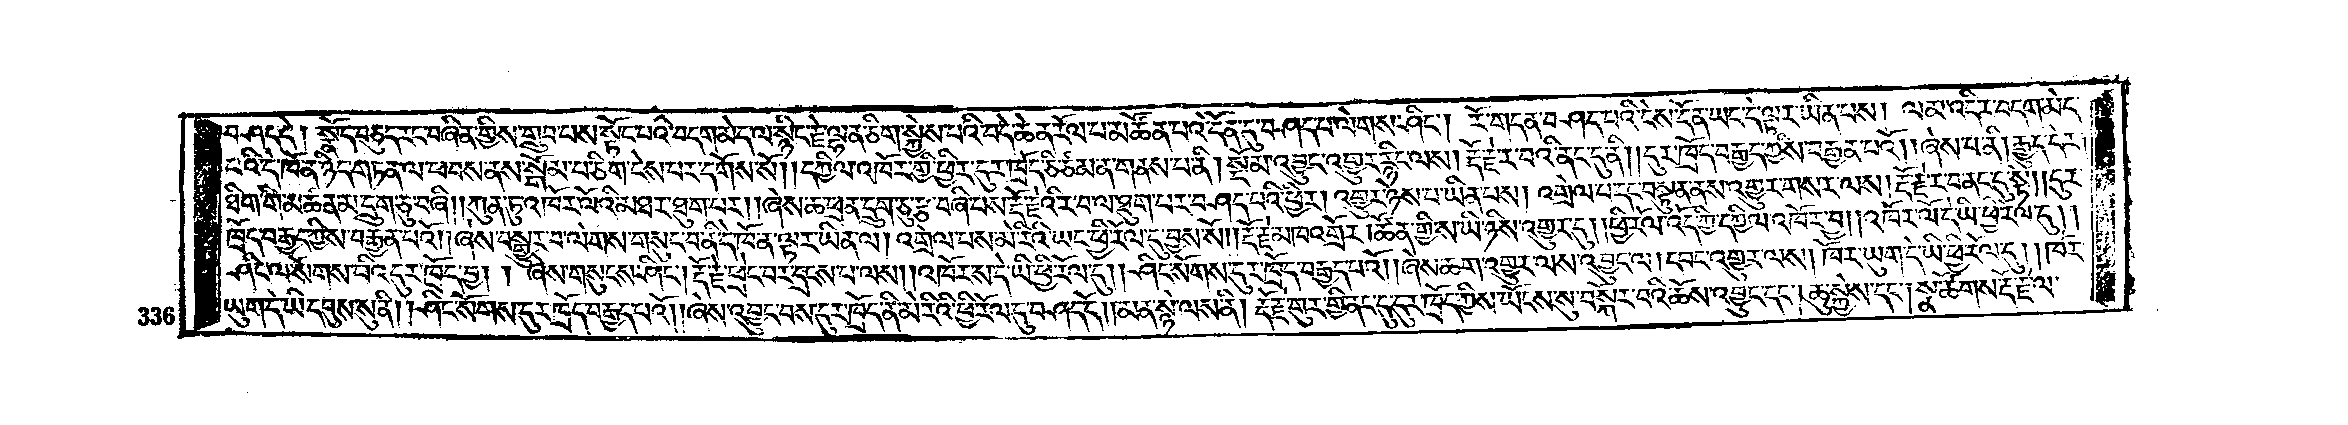བཤད་དེ། སྣོད་བཅུད་རང་བཞིན་གྱིས་གྲུབ་པས་སྟོང་པའི་བདག་མེད་ལ་སྙིང་རྗེ་ལྷན་ཅིག་སྐྱེས་པའི་བདེ་ཆེན་རོལ་པ་མཚོན་པའི་དོན་དུ་བཤད་པ་ལེགས་ཤིང་། རོ་གདན་བཤད་པའི་ངེས་དོན་ཡང་དེ་ལྟར་ཡིན་པས། ལམ་འདིར་བདག་མེད་
པའི་དེ་ཁོ་ན་ཉིད་གཏན་ལ་ཕབས་ནས་སྒོམ་པ་ཅིག་ངེས་པར་དགོས་སོ། །དཀྱིལ་འཁོར་གྱི་ཕྱིར་དུར་ཁྲོད་ཅི་ཙམ་ན་གནས་པ་ནི། སྡོམ་འབྱུང་འགྱུར་རྙིང་ལས། རྡོ་རྗེ་ར་བའི་ནང་དུ་ནི། །དུར་ཁྲོད་བརྒྱད་ཀྱིས་བརྒྱན་པའོ། །ཞེས་པ་ནི། རྒྱུད་དེར།
ཐིག་གི་མཚན་མ་དྲུག་ཅུ་བཞི། །ཀུན་ཏུ་འཁོར་ལོའི་མཐར་ཐུག་པར། །ཞེས་ཆ་ཕྲན་དྲུག་ཅུ་རྩ་བཞི་པས་རྡོ་རྗེའི་ར་བ་ལ་ཐུག་པར་བཤད་པའི་ཕྱིར། འགྱུར་ཉེས་པ་ཡིན་པས། འགྲེལ་པ་དང་བསྟུན་ནས་འགྱུར་གསར་ལས། རྡོ་རྗེ་ར་བ་ནང་དུ་སྟེ། །དུར་
ཁྲོད་བརྒྱད་ཀྱིས་བརྒྱན་པའོ། །ཞེས་བསྒྱུར་བ་ལེགས་གསུང་བ་ནི་དེ་ཁོ་ན་ལྟར་ཡིན་ལ། འགྲེལ་པས་མེ་རིའི་ཡང་ཕྱི་རོལ་དུ་བྱས་སོ། །རྡོ་རྗེ་མཁའ་འགྲོར། ཚོན་གྱི་ས་ཡི་ཉིས་འགྱུར་དུ། ཕྱི་རོལ་འོད་ཀྱི་དཀྱིལ་འཁོར་བྱ། །འཁོར་ལོ་དེ་ཡི་ཕྱི་རོལ་དུ།།
ཤིང་ལ་སོགས་པའི་དུར་ཁྲོད་བྱ། །ཞེས་གསུངས་ཤིང་། རྡོ་རྗེ་ཕྲེང་བར་དྲངས་པ་ལས། །འཁོར་ས་དེ་ཡི་ཕྱི་རོལ་དུ། །ཤིང་སོགས་དུར་ཁྲོད་བརྒྱད་པའོ། །ཞེས་ཆག་འགྱུར་ལས་འབྱུང་ལ། དཔང་འགྱུར་ལས། ཁོར་ཡུག་དེ་ཡི་ཕྱི་རོལ་དུ། །ཁོར་
ཡུག་དེ་ཡི་དབུས་སུ་ནི། །ཤིང་སོགས་དུར་ཁྲོད་བརྒྱད་པའོ། །ཞེས་འབྱུང་བས་དུར་ཁྲོད་ནི་མེ་རིའི་ཕྱི་རོལ་དུ་བཤད་དོ། །མན་སྙེ་ལས་ནི། རྡོ་རྗེ་གུར་གྱི་ནང་དུ་དུར་ཁྲོད་ཀྱིས་ཡོངས་སུ་བསྐོར་བའི་ཆོས་འབྱུང་དང་། ཆུ་སྐྱེས་དང་། སྣ་ཚོགས་རྡོ་རྗེ་ལ་